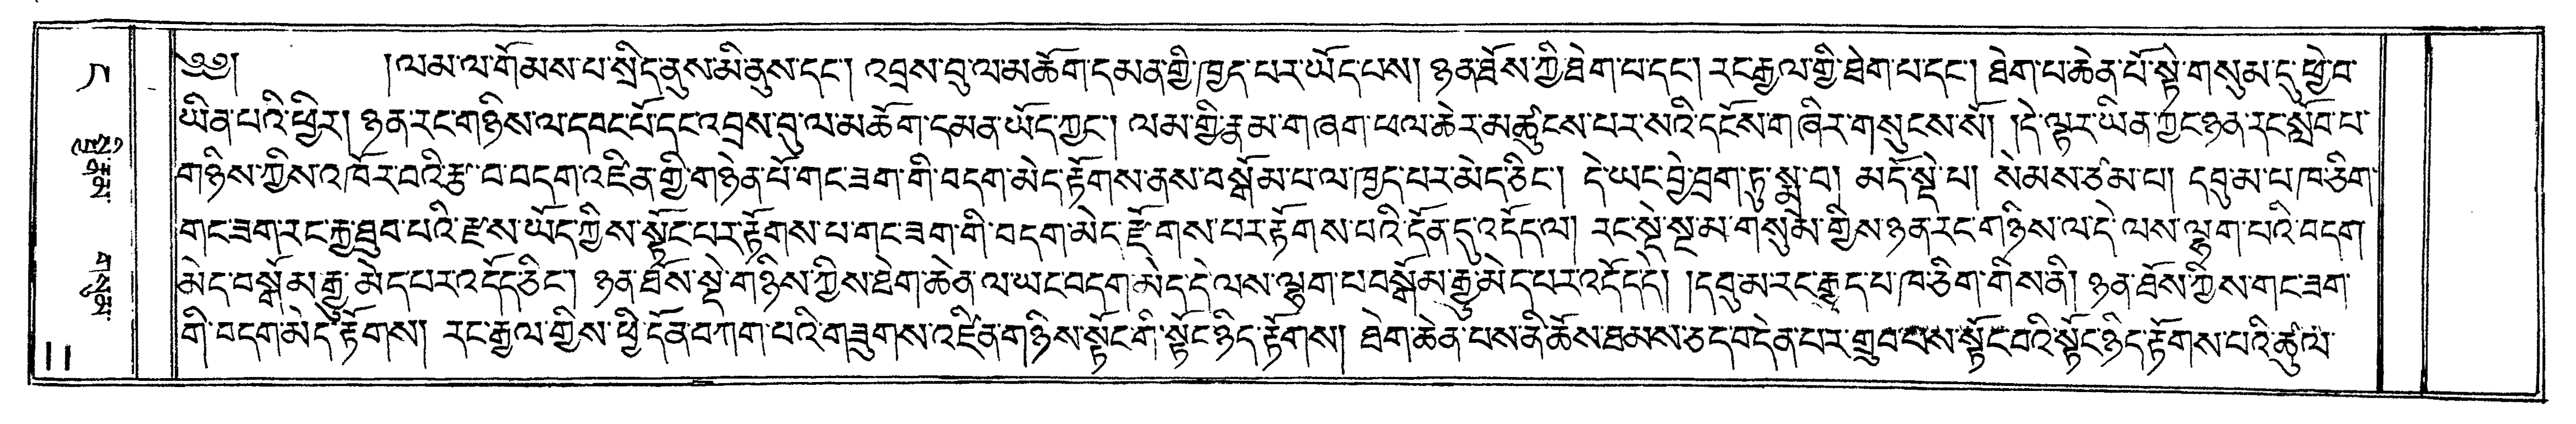༄༅། །ལམ་ལ་གོམས་པ་སྲིད་ནུས་མི་ནུས་དང་། འབྲས་བུ་ལ་མཆོག་དམན་གྱི་ཁྱད་པར་ཡོད་པས། ཉན་ཐོས་ཀྱི་ཐེག་པ་དང་། རང་རྒྱལ་གྱི་ཐེག་པ་དང་། ཐེག་པ་ཆེན་པོ་སྟེ་གསུམ་དུ་ཕྱེ་བ་
ཡིན་པའི་ཕྱིར། ཉན་རང་གཉིས་ལ་དབང་པོ་དང་འབྲས་བུ་ལ་མཆོག་དམན་ཡོད་ཀྱང་། ལམ་གྱི་རྣམ་གཞག་ཕལ་ཆེར་མཚུངས་པར་སའི་དངོས་གཞིར་གསུངས་སོ། །དེ་ལྟར་ཡིན་ཀྱང་ཉན་རང་སློབ་པ་
གཉིས་ཀྱིས་འཁོར་བའི་རྩ་བ་བདག་འཛིན་གྱི་གཉེན་པོ་གང་ཟག་གི་བདག་མེད་རྟོགས་ནས་བསྒོམ་པ་ལ་ཁྱད་པར་མེད་ཅིང་། དེ་ཡང་བྱེ་བྲག་ཏུ་སྨྲ་བ། མདོ་སྡེ་པ། སེམས་ཙམ་པ། དབུ་མ་པ་ཁ་ཅིག་
གང་ཟག་རང་རྐྱ་ཐུབ་པའི་རྫས་ཡོད་ཀྱིས་སྟོང་པར་རྟོགས་པ་གང་ཟག་གི་བདག་མེད་རྫོགས་པར་རྟོགས་པའི་དོན་དུ་འདོད་ལ། རང་སྡེ་སྔ་མ་གསུམ་གྱིས་ཉན་རང་གཉིས་ལ་དེ་ལས་ལྷག་པའི་བདག་
མེད་བསྒོམ་རྒྱུ་མེད་པར་འདོད་ཅིང་། ཉན་ཐོས་སྡེ་གཉིས་ཀྱིས་ཐེག་ཆེན་ལ་ཡང་བདག་མེད་དེ་ལས་ལྷག་པ་བསྒོམ་རྒྱུ་མེད་པར་འདོད་དེ། །དབུ་མ་རང་རྒྱུད་པ་ཁ་ཅིག་གིས་ནི། ཉན་ཐོས་ཀྱིས་གང་ཟག་
གི་བདག་མེད་རྟོགས། རང་རྒྱལ་གྱིས་ཕྱི་དོན་བཀག་པའི་གཟུགས་འཛིན་གཉིས་སྟོང་གི་སྟོང་ཉིད་རྟོགས། ཐེག་ཆེན་པས་ནི་ཆོས་ཐམས་ཅད་བདེན་པར་གྲུབ་པས་སྟོང་བའི་སྟོང་ཉིད་རྟོགས་པའི་ཚུལ་